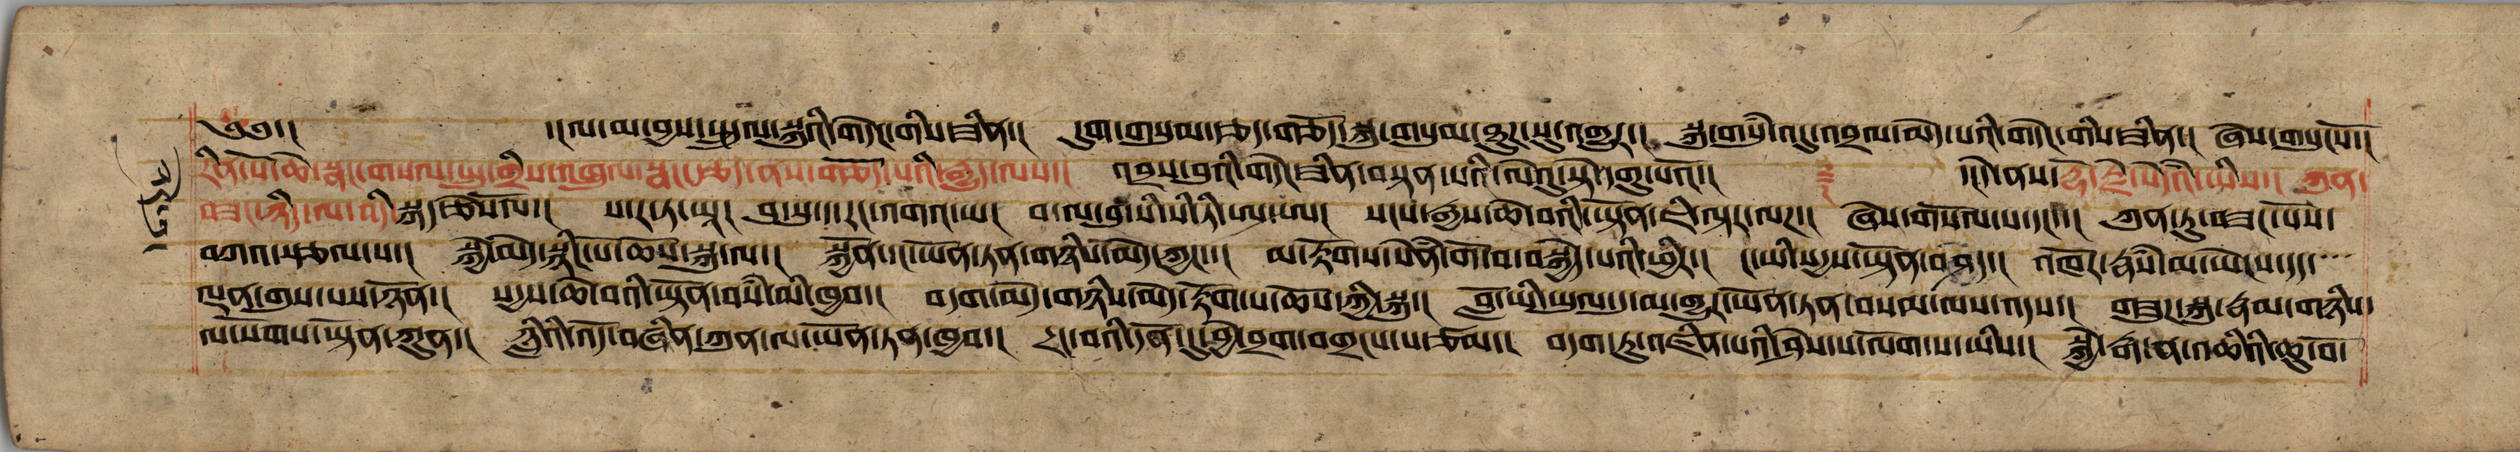༄༅་། ་།ལ་མ་བྱས་སྤྲུལ་སྐུའི་གདེང་གིས་ཟིན་། དུག་གསུམ་རྩད་གཅོད་སྐུ་གསུམ་ཐུཌ་སུ་འགྱུར་། སྐུ་གསུཾ་འདུ་འབྲལ་མེད་པའི་གདེང་གིས་ཟིན་། ཞེས་གསུངསོ་།
རིན་པོ་ཆེ་སྣང་གསལ་སྤུ་གྲིས་འཁྲུལ་སྣང་རྩད་ནས་གཅོད་པའི་རྒྱུད་ལས་། འབྲས་བུའི་གདེང་ཟིན་བསྟན་པའི་ལེའུ་སྟེ་དགུ་པའོ་། ༈ ་།དེ་ནས་རྡོ་རྗེ་སེདཾའ་ཡིས་། ཀུན་
བཟང་ཉིད་ལ་འདི་སྐད་ཅེས་སོ་། ས་ར་ཏ་ཡཱ། བུ་སུ་ད་རང་འགའ་ཡ། བ་ལ་བུ་སི་སི་ཏི་ཨ་ཨ། སངས་རྒྱས་ཆེ་བའི་ཡྟོན་ཇི་ལྟར་ལཌ་། ཞེས་གསོལ་པ་དང་་། ཀུན་ཏུ་བཟང་པོས་
བཀའ་སྩལ་པ་། སྐྱེ་མེད་སྙིང་པོ་ཆོས་སྐུ་ལ་། སྐྱོན་དང་ཡོན་ཏན་གཉིས་མེད་ཀྱང་་། མ་རྟོགས་སེནཾ་གོ་བ་བསྐྱེད་པའི་ཕྱིར་། ང་ཡི་སདྱས་ཡྟོན་བཤད་། འཁོར་རྣཾས་མ་ཡེངས་དད་
ལྡན་གུས་པས་ཉོན་། སདྱས་ཆེ་བའི་ཡྟོན་བསཾ་མི་ཁྱབ་། བདག་མེད་གཉིས་མེད་རྟོག་པ་ཆོས་ཀྱི་སྐུ་། བློ་ཡི་ཡུལ་དུ་མ་གྱུར་ཡོན་ཏན་བསམ་ལས་འདས་། གཟུཌ་སྐུ་རྣམ་གཉིས་
ལ་སོགས་ཡྟོན་ཀུན་། ཉླིའི་འོད་བཞིན་ཀུན་ལ་ཡོན་ཏན་ཁྱབ་། དྲང་བའི་དོན་དུ་བྱེ་བྲག་བགྲངས་པ་ཙམ་། བདག་ཏུ་འཛིན་པའི་ཤེས་པ་ལོག་པ་ཡིས་། སྐྱེ་རྒ་ན་འཆིའི་ཆུ་བོ་